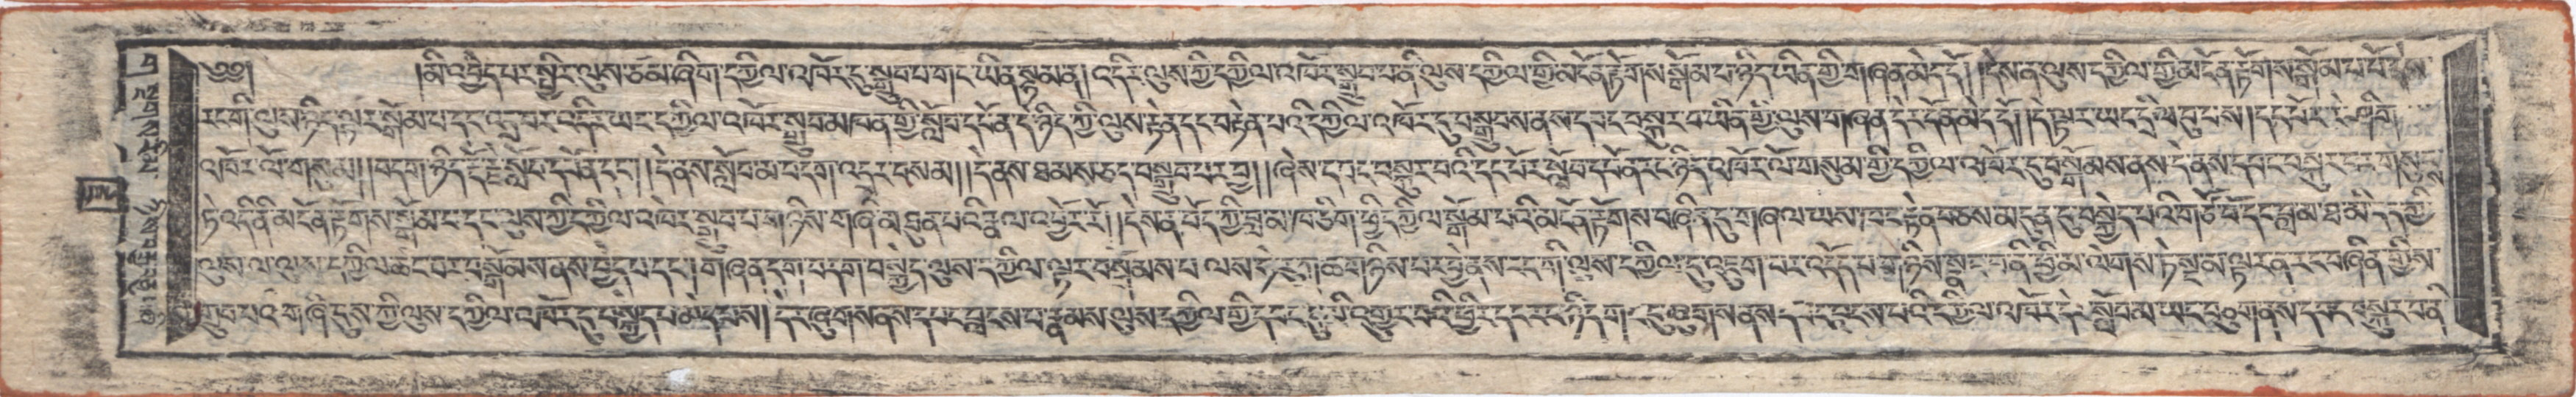༄༅། །མི་འབྱེད་པར་སྤྱིར་ལུས་ཙམ་ཞིག་དཀྱིལ་འཁོར་དུ་སྒྲུབ་པ་གང་ཡིན་སྙམ་ན། འདིར་ལུས་ཀྱི་དཀྱིལ་འཁོར་སྒྲུབ་པ་ནི་ལུས་དཀྱིལ་གྱི་མངོན་རྟོགས་སྒོམ་པ་ཉིད་ཡིན་གྱི་གཞན་མེད་དོ། །དེས་ན་ལུས་དཀྱིལ་གྱི་མངོན་རྟོགས་སྒོམ་པ་པོ་དེས་
རང་གི་ལུས་ཉིད་ལྷར་སྒོམ་པ་དང་འདྲ་བར་འདིར་ཡང་དཀྱིལ་འཁོར་སྒྲུབ་མཁན་གྱི་སློབ་དཔོན་དེ་ཉིད་ཀྱི་ལུས་རྟེན་དང་བརྟེན་པའི་དཀྱིལ་འཁོར་དུ་བསྒྲུབས་ནས་དབང་བསྐུར་བ་ཡིན་གྱི་ལུས་གཞན་དེར་དོན་མེད་དོ། །དེ་ལྟར་ཡང་དྲིལ་བུ་པས། དང་པོར་རེ་ཤིག་
འཁོར་ལོ་གསུམ། །བདག་ཉིད་རྡོ་རྗེ་སློབ་དཔོན་དང་། །དེ་ནས་སློབ་མ་བདག་འདྲར་བསམ། །དེ་ནས་ཐམས་ཅད་བསྒྲུབ་པར་བྱ། །ཞེས་དབང་བསྐུར་བའི་དང་པོར་སློབ་དཔོན་རང་ཉིད་འཁོར་ལོ་གསུམ་གྱི་དཀྱིལ་འཁོར་དུ་བསྒོམས་ནས་དེ་ནས་དབང་བསྐུར་བར་གསུངས་
ཏེ་འདི་ནི་མངོན་རྟོགས་སྒོམ་པ་དང་ལུས་ཀྱི་དཀྱིལ་འཁོར་སྒྲུབ་པ་གཉིས་གཞི་མཐུན་པའི་རྣལ་འབྱོར་རོ། །དེས་ན་བོད་ཀྱི་བླ་མ་ཁ་ཅིག་ཕྱི་དཀྱིལ་སྒོམ་པའི་མངོན་རྟོགས་བཞིན་དུ་གཞལ་ཡས་ཁང་རྟེན་བཅས་མདུན་དུ་བསྐྱེད་པའི་གཙོ་བོ་དང་བླ་མ་ཐ་མི་དད་ཀྱི་
ལུས་ལ་ལུས་དཀྱིལ་ཚང་བར་བསྒོམས་ནས་བྱེད་པ་དང་། གཞན་དག་བདག་བསྐྱེད་ལུས་དཀྱིལ་ལྟར་བསྒོམས་པ་ལས་ཧེ་རུ་ཀ་ཆ་གཉིས་པར་བྱེ་ནས་རང་གི་ལུས་དཀྱིལ་དུ་འཇུག་པར་འདོད་པ་གཉིས་སྣང་བ་ནི་ཕྱི་མ་ལེགས་ཏེ་སྔ་མ་ལྟར་ན་རང་བཞིན་གྱིས་
གྲུབ་པའི་གཞི་དུས་ཀྱི་ལུས་དཀྱིལ་འཁོར་དུ་བསྐྱེད་པ་མེད་པས། དེར་ཞུགས་ནས་དཔང་བླངས་པ་རྣམས་ལུས་དཀྱིལ་གྱི་དབང་དུ་མི་འགྱུར་བའི་ཕྱིར་དང་རང་ཉིད་གང་དུ་ཞུགས་ནས་དབང་བླངས་པའི་དཀྱིལ་འཁོར་དེར་སློབ་མ་ཡང་བཅུག་ནས་དབང་བསྐུར་པ་ནི་